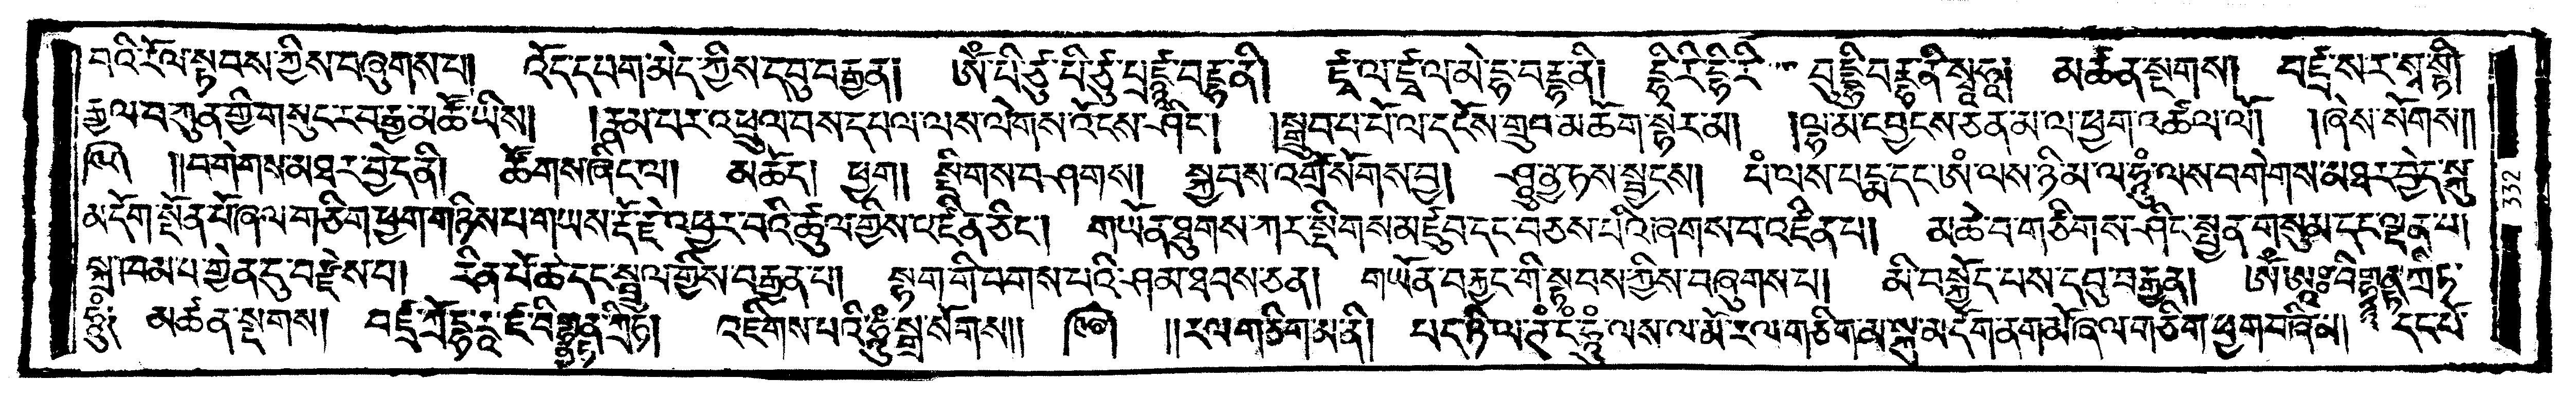བའི་རོལ་སྟབས་ཀྱིས་བཞུགས་པ། འོད་དཔག་མེད་ཀྱིས་དབུ་བརྒྱན། ཨོཾ་པི་ཙུ་པི་ཙུ་པྲཛྙཱ་བརྡྷ་ནི། ཛྭ་ལ་ཛྭ་ལ་མེ་དྷ་བརྡྷ་ནི། དྷི་རི་དྷི་རི་བུདྡྷི་བརྡྷ་ནི་སྭཱཧཱ། མཚན་སྔགས། བཛྲ་ས་ར་སྭ་སྟི།
རྒྱལ་བ་ཀུན་གྱི་གསུང་རབ་རྒྱ་མཚོ་ཡིས། །རྣམ་པར་འཕྲུལ་བས་དཔལ་ལས་ལེགས་འོངས་ཤིང་། །སྒྲུབ་པ་པོ་ལ་དངོས་གྲུབ་མཆོག་སྟེར་མ། །ལྷ་མ་དབྱངས་ཅན་མ་ལ་ཕྱག་འཚལ་ལོ། །ཞེས་སོགས།།
༤༨?་།།བགེགས་མཐར་བྱེད་ནི། ཚོགས་ཞིང་ལ། མཆོད། ཕྱག། སྡིགས་བཤགས། སྐྱབས་འགྲོ་སོགས་བྱ། ཤཱུ་ནྱ་ཏས་སྦྱངས། པཾ་ལས་པདམ་དང་ཨཾ་ལས་ཉི་མ་ལ་ཧཱུཾ་ལས་བགེགས་མཐར་བྱེད་སྐུ་
མདོག་སྔོན་པོ་ཞལ་གཅིག་ཕྱག་གཉིས་པ་གཡས་རྡོ་རྗེ་འཕྱར་བའི་ཚུལ་གྱིས་འཛིན་ཅིང་། གཡོན་ཐུགས་ཀར་སྡིགས་མཛུབ་དང་བཅས་པའི་ཞགས་པ་འཛིན་པ། མཆེ་བ་གཙིགས་ཤིང་སྤྱན་གསུམ་དང་ལྡན་པ།
སྐྲ་ཁམ་པ་གྱེན་དུ་བརྫེས་པ། རིན་པོ་ཆེ་དང་སྦྲུལ་གྱིས་བརྒྱན་པ། སྟག་གི་པགས་པའི་ཤམ་ཐབས་ཅན། གཡོན་བརྐྱང་གི་སྟབས་ཀྱིས་བཞུགས་པ། མི་བསྐྱོད་པས་དབུ་བརྒྱན། ཨོཾ་ཨཱཿབིགྷཱནྟ་ཀྲིཏ་
ཧཱུཾ༑ མཚན་སྔགས། བཛྲ་ཀྲོདྷ་རཱ་ཛ་བིགྷྣཱནྟ་ཀྲིཏ། འཇིགས་པའི་ཧཱུཾ་སྒྲ་སོགས།། ༤༩?་།།རལ་གཅིག་མ་ནི། པད་ཉི་ལ་ཊཾ་ངཾ་ཧཱུཾ་ལས་ལ་མོ་རལ་གཅིག་མ་སྐུ་མདོག་ནག་མོ་ཞལ་གཅིག་ཕྱག་བཞི་མ། དང་པོ་